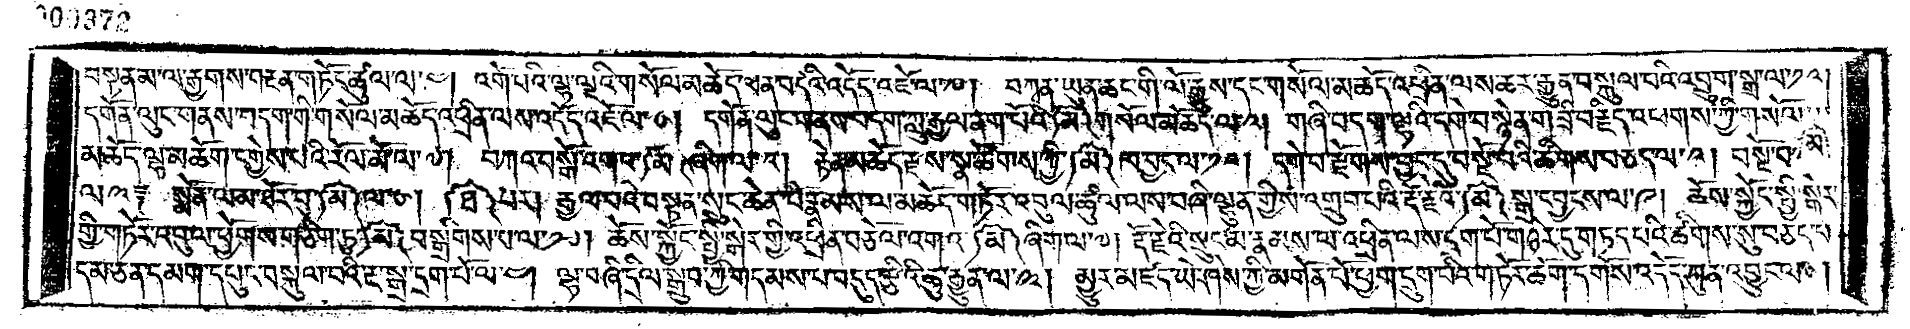བསྟན་མ་ལ་རྒྱགས་བརྔན་གཏོང་ཚུལ་ལ ༤། འགོ་བའི་ལྷ་ལྔའི་གསོལ་མཆོད་ཕན་བདེའི་འདོད་འཇོ་ལ ༧། བཀྭན་ཡུན་ཆང་གི་ལོ་རྒྱུས་དང་གསོལ་མཆོད་འཕྲིན་ལས་ཆར་རྒྱུན་བསྐུལ་བའི་འབྲུག་སྒྲ་ལ ༡༢།
དགོན་ལུང་གནས་བདག་གི་གསོལ་མཆོད་འཕྲིན་ལས་འདོད་འཇོ་ལ ༦། དགོན་ལུང་གནས་བདག་ཀླུ་རྒྱལ་ནག་པོའི ༼མ༽ གསོལ་མཆོད་ལ ༢། གཞི་བདག་ལྷའི་དགེ་བསྙེན་གཟི་བརྗིད་འཕགས་ཀྱི་གསོལ་
མཆོད་ལྷ་མཆོད་དགྱེས་པའི་རོལ་མོ་ལ ༧། བཀའ་བསྒོ་འགའ ༼མ༽ ཞིག་ལ ༢། རྟེན་མཆོད་རྫས་སྣ་ཚོགས་ཀྱི ༼མ༽ ཁ་བྱང་ལ ༡༢། དགེ་བ་རྫོགས་བྱང་དུ་བསྔོ་བའི་ཚིགས་བཅད་ལ ༢། བསྔོ་བ ༼མ༽
ལ ༣༑ སྨོན་ལམ་ཐོར་བུ ༼མ༽ ལ ༦། ༼ཐ༽ པར། རྒྱལ་བའི་བསྟན་སྲུང་ཆེན་པོ་རྣམས་ལ་མཆོད་གཏོར་འབུལ་ཚུལ་ལས་བཞི་ལྷུན་གྱིས་འགྲུབ་པའི་རྡོ་རྗེའི ༼མ༽ སྒྲ་དབྱངས་ལ ༩། ཆོས་སྐྱོང་སྤྱི་སྒེར་
གྱི་གཏོར་འབུལ་ཕྱོགས་གཅིག་ཏུ ༼མ༽ བསྒྲིགས་པ་ལ ༡༧། ཆོས་སྐྱོང་སྤྱི་སྒེར་གྱི་འཕྲིན་བཅོལ་འགའ ༼མ༽ ཞིག་ལ ༧། རྡོ་རྗེའི་སྲུང་མ་རྣམས་ལ་འཕྲིན་ལས་དག་པོ་གཉེར་དུ་གཏད་པའི་ཚིགས་སུ་བཅད་པ་
དམ་ཅན་དམག་དཔུང་བསྐུལ་བའི་རྔ་སྒྲ་དྲག་པོ་ལ ༤། ལྷ་བཞི་དྲིལ་སྒྲུབ་ཀྱི་གདམས་པ་བདུད་རྩིའི་ཆུ་རྒྱུན་ལ ༣། མྱུར་མཛད་ཡེ་ཤེས་ཀྱི་མགོན་པོ་ཕྱག་དྲུག་པའི་གཏོར་ཆོག་དགོས་འདོད་ཀུན་འབྱུང་ལ ༦